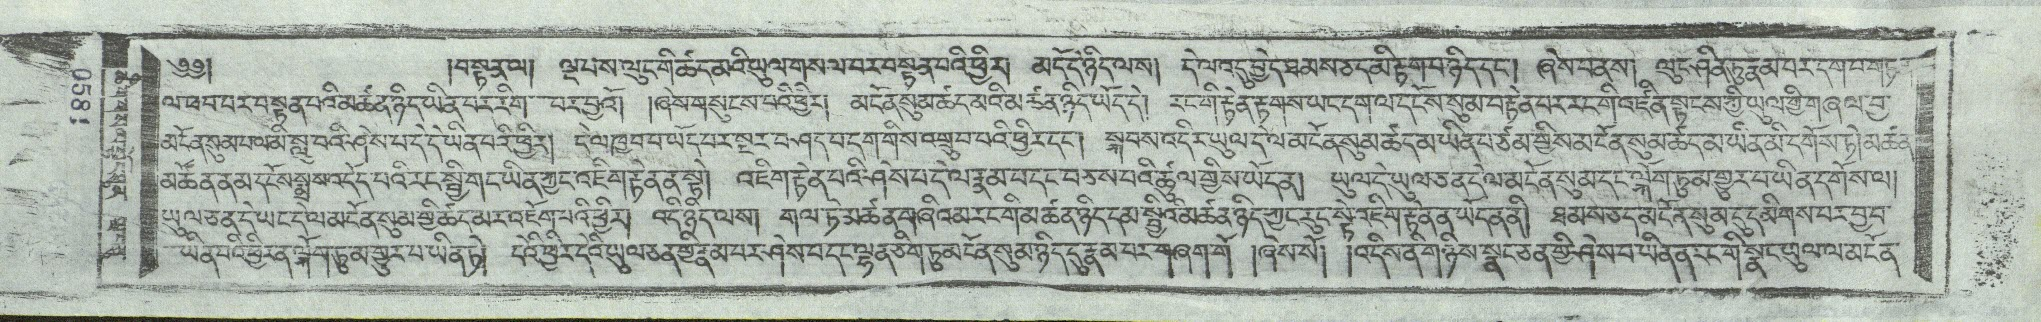༄༅། །བསྟན་ལ། ལྔ་པས་ལུང་གི་ཚད་མའི་ཡུལ་གསལ་བར་བསྟན་པའི་ཕྱིར། མདོ་དེ་ཉིད་ལས། དེ་ལ་འདུ་བྱེད་ཐམས་ཅད་མི་རྟག་པ་ཉིད་དང་། ཞེས་པ་ནས། ལུང་ཤིན་ཏུ་རྣམ་པར་དག་པ་གཏན་
ལ་ཕབ་པར་བསྟན་པའི་མཚན་ཉིད་ཡིན་པར་རིག་པར་བྱའོ། །ཞེས་གསུངས་པའི་ཕྱིར། མངོན་སུམ་ཚད་མའི་མཚན་ཉིད་ཡོད་དེ། རང་གི་རྟེན་རྟགས་ཡང་དག་ལ་དངོས་སུམ་བརྟེན་པར་རང་གི་འཛིན་སྟངས་ཀྱི་ཡུལ་གྱི་གཞལ་བྱ་
མངོན་སུམ་པ་ལ་མི་སླུ་པའི་ཤེས་པ་དེ་དེ་ཡིན་པའི་ཕྱིར། དེ་ལ་ཁྱབ་པ་ཡོད་པར་སྔར་བཤད་པ་དག་གིས་འགྲུབ་པའི་ཕྱིར་དང་། སྐབས་འདིར་ཡུལ་དེ་ལ་མངོན་སུམ་ཚད་མ་ཡིན་པ་ཙམ་གྱིས་མངོན་སུམ་ཚད་མ་ཡིན་མི་དགོས་ཏེ། མཚན་
མཚོན་ནམ་དངོས་སྨྲས་འདོད་པའི་རང་སྤྱི་གང་ཡིན་ཀྱང་འཇིག་རྟེན་ན་སྟེ། འཇིག་རྟེན་པའི་ཤེས་པ་དེ་ལ་རྣམ་པ་དང་བཅས་པའི་ཚུལ་གྱིས་ཡོད་ན། ཡུལ་དེ་ཡུལ་ཅན་དེ་ལ་མངོན་སུམ་དང་ལྐོག་ཏུ་མ་གྱུར་པ་ཡིན་དགོས་ལ།
ཡུལ་ཅན་དེ་ཡང་དེ་ལ་མངོན་སུམ་གྱི་ཚད་མར་འཇོག་པའི་ཕྱིར། འདི་ཉིད་ལས། གལ་ཏེ་མཚན་གཞིའམ་རང་གི་མཚན་ཉིད་དམ་སྤྱིའི་མཚན་ཉིད་ཀྱང་རུང་སྟེ་འཇིག་རྟེན་ན་ཡོད་ན་ནི། ཐམས་ཅད་མངོན་སུམ་དུ་དམིགས་པར་བྱ་བ་
ཡིན་པའི་ཕྱིར་ན་ལྐོག་ཏུ་མ་གྱུར་པ་ཡིན་ཏེ། དེའི་ཕྱིར་དེའི་ཡུལ་ཅན་གྱི་རྣམ་པར་ཤེས་པ་དང་ལྷན་ཅིག་ཏུ་མངོན་སུམ་ཉིད་དུ་རྣམ་པར་གཞག་གོ །ཞེས་སོ། །འདིས་ནི་གཉིས་སྣང་ཅན་གྱི་ཤེས་པ་ཡིན་ན་རང་གི་སྣང་ཡུལ་ལ་མངོན་